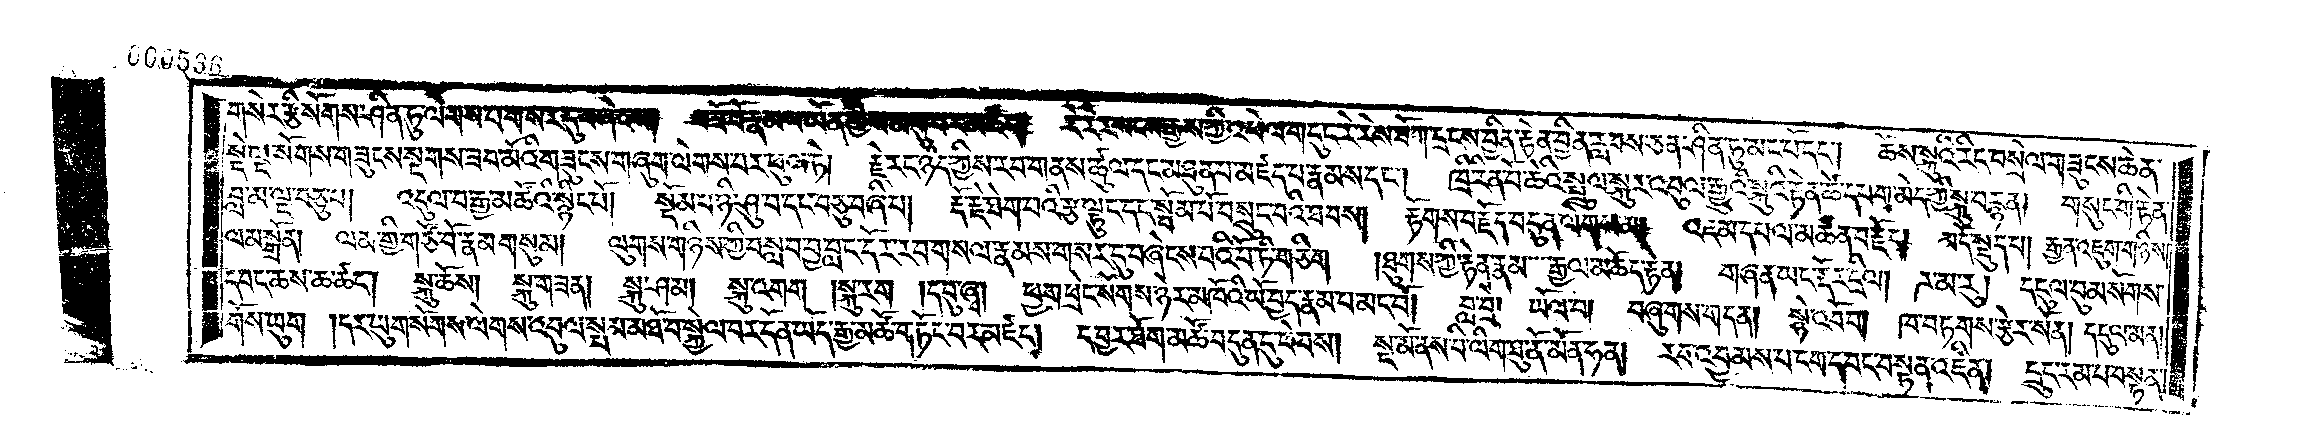གསེར་རྩི་སོགས་ཤིན་ཏུ་ལེགས་པ་གསར་དུ་བཞེངས། བཟོ་བོ་རྣམས་ཡོན་གྱིས་མགུ་བར་མཛད། རེ་རེར་སངས་རྒྱས་ཀྱི་འཕེལ་གདུང་རེ་རེས་ཐོག་དྲངས་བྱིན་རྟེན་བྱིན་རླབས་ཅན་ཤིན་ཏུ་མང་པོ་དང་། ཆོས་སྐུའི་རིང་བསྲེལ་གཟུངས་ཆེན་
སྡེ་ལྔ་སོགས་གཟུངས་སྔགས་ཟབ་མོའི་གཟུངས་གཞུག་ལེགས་པར་ཕུལ་ཏེ། རྗེ་རང་ཉིད་ཀྱིས་རབ་གནས་ཚུལ་དང་མཐུན་པ་མཛད་པ་རྣམས་དང་། ཁྲི་རིན་པོ་ཆེའི་སྤྲུལ་སྐུར་འབུལ་རྒྱུའི་སྐུའི་རྟེན་ཚེ་དཔག་མེད་ཀྱི་སྐུ་བརྙན། གསུང་གི་རྟེན་
བླ་མ་ལྔ་བཅུ་པ། འདུལ་བ་རྒྱ་མཚོའི་སྙིང་པོ། སྡོམ་པ་ཉི་ཤུ་པ་དང་བཅུ་བཞི་པ། རྡོ་རྗེ་ཐེག་པའི་རྩ་ལྟུང་དང་སྦོམ་པོ་བསྲུང་བའི་ཐབས། རྟོགས་བརྗོད་བདུན་ལེགས་མ། འཇམ་དཔལ་མཚན་བརྗོད། མདོ་སྡུད་པ། རྒྱན་འཇུག་གཉིས་
ལམ་སྒྲོན། ལམ་གྱི་གཙོ་བོ་རྣམ་གསུམ། ལུགས་གཉིས་ཀྱི་བསླབ་བྱ་བླང་དོར་རབ་གསལ་རྣམས་གསར་དུ་བཞེངས་པའི་པོ་ཏི་གཅིག །ཐུགས་ཀྱི་རྟེན་རྣམ་རྒྱལ་མཆོད་རྟེན། གཞན་ཡང་རྡོར་དྲིལ། ཌ་མ་རུ། དངུལ་བུམ་སོགས་
དབང་ཆས་ཆ་ཚང་། སྐུ་ཆོས། སྐུ་གཟན། སྐུ་ཤམ། སྐུ་འགག །སྐུ་རག །དབུ་ཞྭ། ཕྱག་ཕྲེང་སོགས་ཉེར་མཁོའི་ཡོ་བྱད་རྣམ་པ་མང་བོ། བླ་བྲེ། ཡོལ་བ། བཞུགས་གདན། སྙེ་འབོབ། ཁ་བཏགས་རྩེར་སོན། དངུལ་མན།
གོས་ཡུག །དར་ཡུག་སོགས་ལེགས་འབུལ་སྤམ་མཐོ་པ་སྐྱེལ་བར་དོན་ཡོད་རྒྱ་མཚོ་གཏོང་བར་མཛད། དབྱར་ཐོག་མཚོ་བདུན་དུ་ཕེབས། སྔ་མོ་ནས་བི་ལིག་ཐུ་ནོ་མོན་ཧན། རབ་འབྱམས་པ་ངག་དབང་བསྟན་འཛིན། དྲུང་རམ་པ་བསྟན་